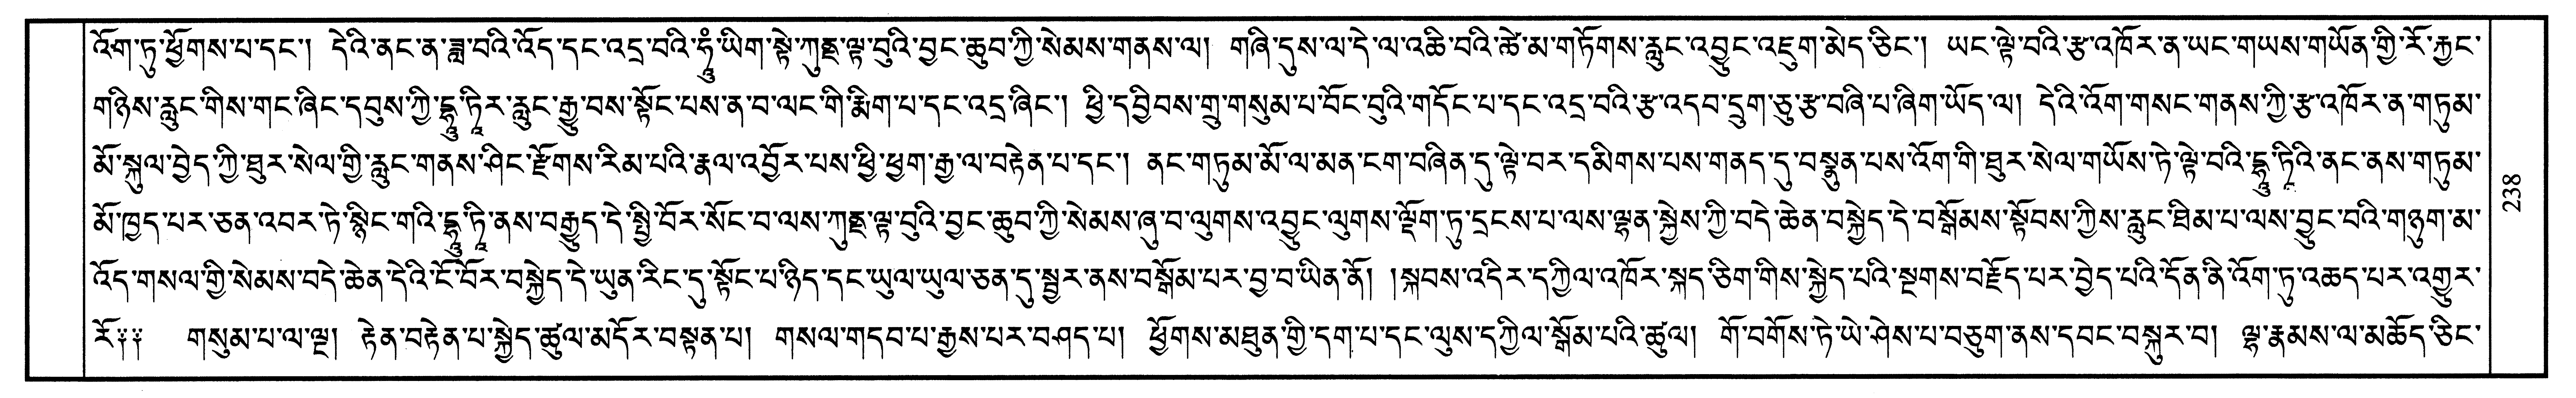འོག་ཏུ་ཕྱོགས་པ་དང་། དེའི་ནང་ན་ཟླ་བའི་འོད་དང་འདྲ་བའི་ཧཱུཾ་ཡིག་སྟེ་ཀུནྡ་ལྟ་བུའི་བྱང་ཆུབ་ཀྱི་སེམས་གནས་ལ། གཞི་དུས་ལ་དེ་ལ་འཆི་བའི་ཚེ་མ་གཏོགས་རླུང་འབྱུང་འཇུག་མེད་ཅིང་། ཡང་ལྟེ་བའི་རྩ་འཁོར་ན་ཡང་གཡས་གཡོན་གྱི་རོ་རྐྱང་
གཉིས་རླུང་གིས་གང་ཞིང་དབུས་ཀྱི་དྷཱུ་ཏཱིར་རླུང་རྒྱུ་བས་སྟོང་པས་ན་བ་ལང་གི་རྨིག་པ་དང་འདྲ་ཞིང་། ཕྱི་དབྱིབས་གྲུ་གསུམ་པ་བོང་བུའི་གདོང་པ་དང་འདྲ་བའི་རྩ་འདབ་དྲུག་ཅུ་རྩ་བཞི་པ་ཞིག་ཡོད་ལ། དེའི་འོག་གསང་གནས་ཀྱི་རྩ་འཁོར་ན་གཏུམ་
མོ་སྐུལ་བྱེད་ཀྱི་ཐུར་སེལ་གྱི་རླུང་གནས་ཤིང་རྫོགས་རིམ་པའི་རྣལ་འབྱོར་པས་ཕྱི་ཕྱག་རྒྱ་ལ་བརྟེན་པ་དང་། ནང་གཏུམ་མོ་ལ་མན་ངག་བཞིན་དུ་ལྟེ་བར་དམིགས་པས་གནད་དུ་བསྣུན་པས་འོག་གི་ཐུར་སེལ་གཡོས་ཏེ་ལྟེ་བའི་དྷཱུ་ཏཱིའི་ནང་ནས་གཏུམ་
མོ་ཁྱད་པར་ཅན་འབར་ཏེ་སྙིང་གའི་དྷཱུ་ཏཱི་ནས་བརྒྱུད་དེ་སྤྱི་བོར་སོང་བ་ལས་ཀུནྡ་ལྟ་བུའི་བྱང་ཆུབ་ཀྱི་སེམས་ཞུ་བ་ལུགས་འབྱུང་ལུགས་ལྡོག་ཏུ་དྲངས་པ་ལས་ལྷན་སྐྱེས་ཀྱི་བདེ་ཆེན་བསྐྱེད་དེ་བསྒོམས་སྟོབས་ཀྱིས་རླུང་ཐིམ་པ་ལས་བྱུང་བའི་གཉུག་མ་
འོད་གསལ་གྱི་སེམས་བདེ་ཆེན་དེའི་ངོ་བོར་བསྐྱེད་དེ་ཡུན་རིང་དུ་སྟོང་པ་ཉིད་དང་ཡུལ་ཡུལ་ཅན་དུ་སྦྱར་ནས་བསྒོམ་པར་བྱ་བ་ཡིན་ནོ། །སྐབས་འདིར་དཀྱིལ་འཁོར་སྐད་ཅིག་གིས་སྐྱེད་པའི་སྔགས་བརྗོད་པར་བྱེད་པའི་དོན་ནི་འོག་ཏུ་འཆད་པར་འགྱུར་
རོ༑༑ གསུམ་པ་ལ་ལྔ། རྟེན་བརྟེན་པ་སྐྱེད་ཚུལ་མདོར་བསྟན་པ། གསལ་གདབ་པ་རྒྱས་པར་བཤད་པ། ཕྱོགས་མཐུན་གྱི་དག་པ་དང་ལུས་དཀྱིལ་སྒོམ་པའི་ཚུལ། གོ་བགོས་ཏེ་ཡེ་ཤེས་པ་བཅུག་ནས་དབང་བསྐུར་བ། ལྷ་རྣམས་ལ་མཆོད་ཅིང་